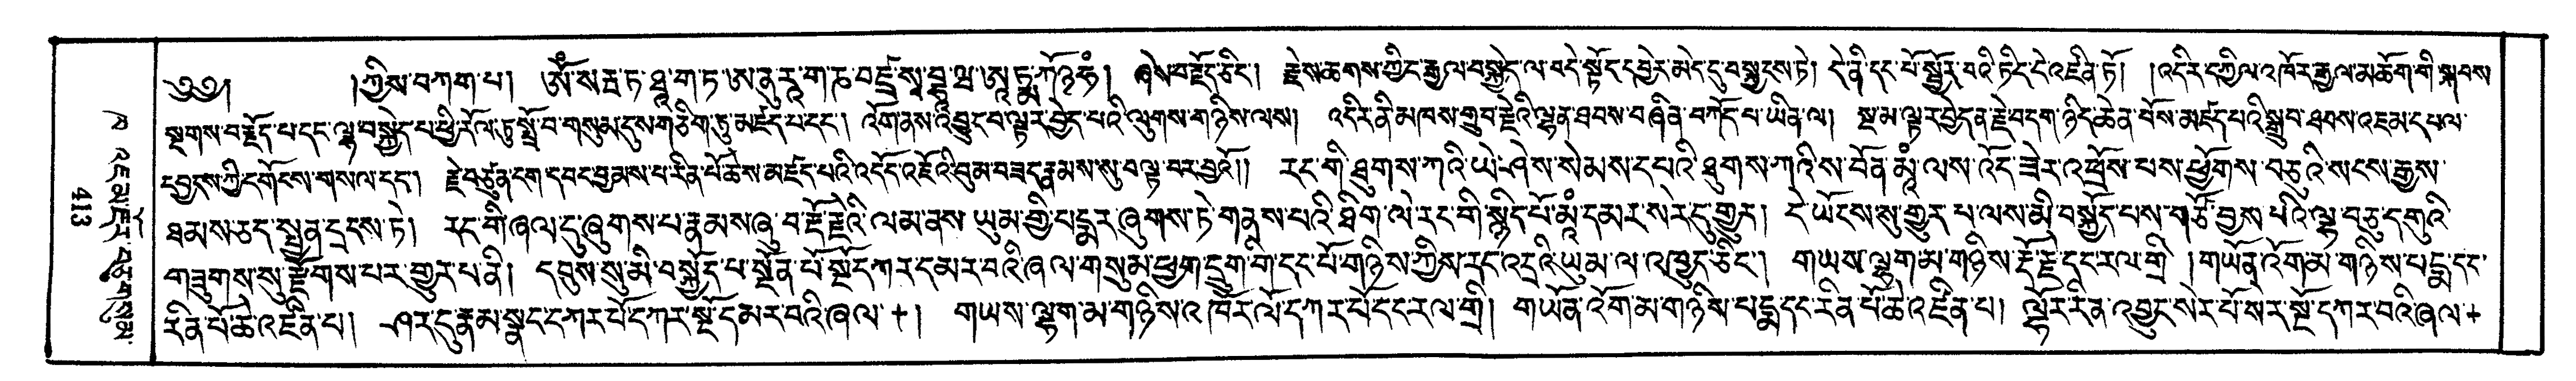༄༅། །ཀྱིས་བཀག་པ། ཨོ་སརྦ་ཏ་ཐཱ་ག་ཏ་ཨ་ནུ་རཱ་ག་ཎ་བཛྲ་སྭ་བྷཱ་ཝ་ཨཱཏྨ་ཀོཉྷཾ། ཞེས་བརྗོད་ཅིང་། རྗེས་ཆགས་ཀྱི་ང་རྒྱལ་བསྐྱེད་ལ་བདེ་སྟོང་དབྱེར་མེད་དུ་བསྐྱངས་ཏེ། དེ་ནི་དང་པོ་སྦྱོར་བའི་ཏིང་ངེ་འཛིན་ཏོ། །འདིར་དཀྱིལ་འཁོར་རྒྱལ་མཆོག་གི་སྐབས་
སྔགས་བརྗོད་པ་དང་ལྷ་བསྐྱེད་པ་ཕྱི་རོལ་ཏུ་སྤྲོ་བ་གསུམ་དུས་གཅིག་ཏུ་མཛད་པ་དང་། འོག་ནས་འབྱུང་བ་ལྟར་བྱེད་པའི་ལུགས་གཉིས་ལས། འདིར་ནི་མཁས་གྲུབ་རྗེའི་ལྷན་ཐབས་བཞིན་བཀོད་པ་ཡིན་ལ། སྔ་མ་ལྟར་བྱེད་ན་རྗེ་བདག་ཉིད་ཆེན་པོས་མཛད་པའི་སྒྲུབ་ཐབས་འཇམ་དཔལ་
དབྱངས་ཀྱི་དགོངས་གསལ་དང་། རྗེ་བཙུན་ངག་དབང་བྱམས་པ་རིན་པོ་ཆེས་མཛད་པའི་འདོད་འཇོའི་བུམ་བཟང་རྣམས་སུ་བལྟ་བར་བྱའོ།། རང་གི་ཐུགས་ཀའི་ཡེ་ཤེས་སེམས་དཔའི་ཐུགས་ཀའི་ས་བོན་མཱཾ་ལས་འོད་ཟེར་འཕྲོས་པས་ཕྱོགས་བཅུའི་སངས་རྒྱས་
ཐམས་ཅད་སྤྱན་དྲངས་ཏེ། རང་གི་ཞལ་དུ་ཞུགས་པ་རྣམས་ཞུ་བ་རྡོ་རྗེའི་ལམ་ནས་ཡུམ་གྱི་པདམར་ཞུགས་ཏེ་གནས་པའི་ཐིག་ལེ་རང་གི་སྙིང་པོ་མཱཾ་དམར་སེར་དུ་གྱུར། དེ་ཡོངས་སུ་གྱུར་པ་ལས་མི་བསྐྱོད་པས་གཙོ་བྱས་པའི་ལྷ་བཅུ་དགུའི་
གཟུགས་སུ་རྫོགས་པར་གྱུར་པ་ནི། དབུས་སུ་མི་བསྐྱོད་པ་སྔོན་པོ་སྔོ་དཀར་དམར་བའི་ཞལ་གསུམ་ཕྱག་དྲུག་གི་དང་པོ་གཉིས་ཀྱིས་རང་འདྲའི་ཡུམ་ལ་འཁྱུད་ཅིང་། གཡས་ལྷག་མ་གཉིས་རྡོ་རྗེ་དང་རལ་གྲི་།གཡོན་འོག་མ་གཉིས་པདམ་དང་
རིན་པོ་ཆེ་འཛིན་པ། ཤར་དུ་རྣམ་སྣང་དཀར་པོ་དཀར་སྔོ་དམར་བའི་ཞལ་+། གཡས་ལྷག་མ་གཉིས་འཁོར་ལོ་དཀར་པོ་དང་རལ་གྲི། གཡོན་འོག་མ་གཉིས་པདམ་དང་རིན་པོ་ཆེ་འཛིན་པ། ལྷོར་རིན་འབྱུང་སེར་པོ་སེར་སྔོ་དཀར་བའི་ཞལ་+